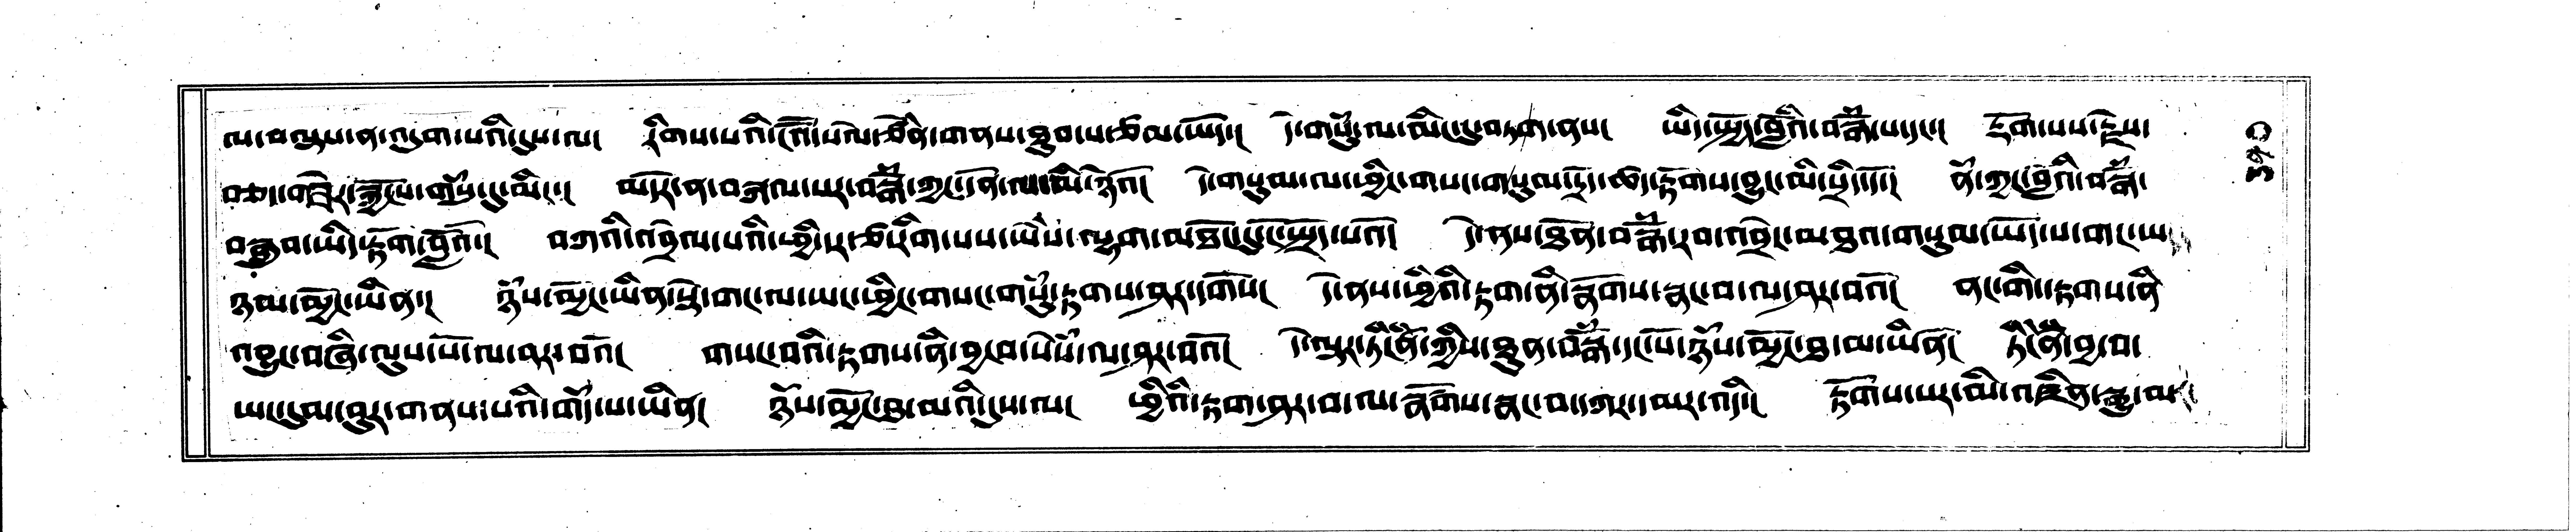ལ་ལྟ་ནས་འདུག་པའི་དུས་ལ། རིག་པའི་ངོའོ་སལེ་ཙེན་ཙེན་གནས་ཐུབ་པ་ཙམ་ཡོད་དོ། དེ་གསུམ་ལ་ཡང་མིང་དུ་བཏག་ན། ཡིད་སྤྱོད་བློའི་སྒོམ་པ་དང་། རྟོག་པའི་རྗེས་
བཅད་གཟིར་སྐྱོངས་གསུམ་དུ་མིང་། མདོར་ན་སྐལ་༼བསྐལ༽པར་སྒོམ་ཀྱང་དོན་ལ་མི་ཉེའོ། དེ་གསུམ་ལ་ཕྱི་ནང་གསང་གསུམ་དྲོད་རྟོགས་འབྱུང་མི་སྲིད་དོ། ནམ་བློའི་སྒོམ་
བསྒྲུབ་ཡིད་ཀྱིས་རྟོགས་བློའོ། བཀའི་འབྲེལ་བ་ཕྱི་དལ་ཙ། རིག་པའི་ཡེ་ཤེས་ལྷག་མཐོང་དུ་ངོ་འཕྲོད་པའོ། དེ་ནས་ཐུན་སྒོམ་རབ་འབྲིང་ཐ་གསུམ་གང་ཡོད་པ་གང་ཡང་
ཉམས་མྱོང་ཡིན། ཉམས་མྱོང་ཡིན་ཏེ་གང་ལའང་ཕྱི་ནང་གསང་གསུམ་ལ་རྟགས་ཤར་དགོས་སོ། སྣ་ཚོགས་སྣང་བ་རང་ལ་འཆར་དགོས་སོ། ནང་གིས་རྟགས་ནི་
འབྱུང་བཞིའི་ལུས་ལ་ཤར་བའོ། གསང་བའི་རྟགས་ནི་བྱང་ཆུབ་སེམས་ལ་ཤར་བའོ། དེ་ནས་ཏིང་འཛིན་གྱིས་ཐུན་སྒོམས་དང་པོ་ཉམས་མྱོང་ཐ་མ་ཡིན་ནོ། ཏིང་འཛིན་བྱ་བ་
ཡང་དུམ་བུར་གནས་པའི་མིང་ཡིན་ནོ། ཉམས་མྱོང་ཐ་མའི་དུས་ལ། ཕྱི་ན་རྟགས་ཤར་བ་ལ་སྣ་ཚོགས་སྣང་བ་དཀར་དམར་འདི། རྟག་པར་མི་འཛིན་སྒྱུ་མར་